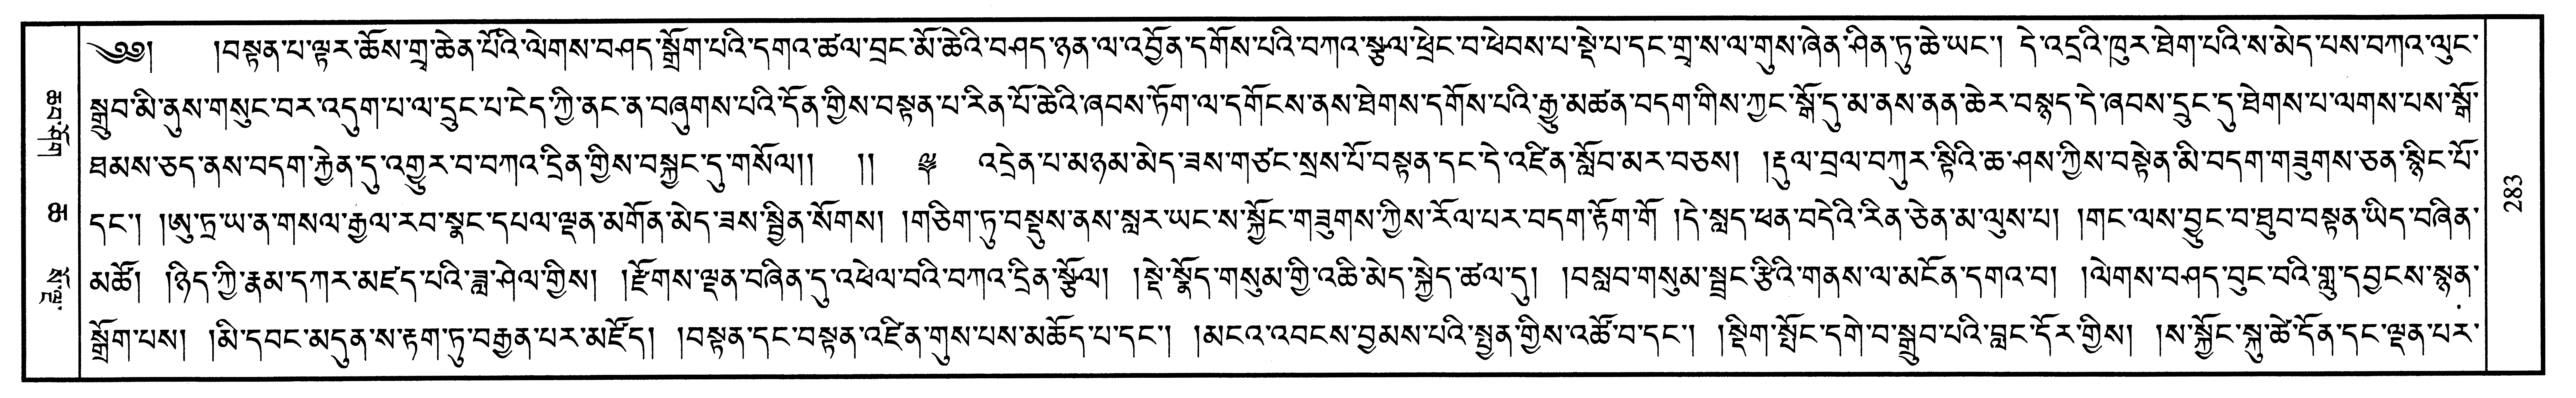༄༅། །བསྟན་པ་ལྟར་ཆོས་གྲྭ་ཆེན་པོའི་ལེགས་བཤད་སྒྲོག་པའི་དགའ་ཚལ་བྲང་མོ་ཆེའི་བཤད་ཉན་ལ་འབྱོན་དགོས་པའི་བཀའ་སྩལ་ཕྲེང་བ་ཕེབས་པ་སྡེ་པ་དང་གྲྭ་ས་ལ་གུས་ཞེན་ཤིན་ཏུ་ཆེ་ཡང་། དེ་འདྲའི་ཁུར་ཐེག་པའི་ས་མེད་པས་བཀའ་ལུང་
སྒྲུབ་མི་ནུས་གསུང་བར་འདུག་པ་ལ་དྲུང་པ་ངེད་ཀྱི་ནང་ན་བཞུགས་པའི་དོན་གྱིས་བསྟན་པ་རིན་པོ་ཆེའི་ཞབས་ཏོག་ལ་དགོངས་ནས་ཐེགས་དགོས་པའི་རྒྱུ་མཚན་བདག་གིས་ཀྱང་སྒོ་དུ་མ་ནས་ནན་ཆེར་བསྙད་དེ་ཞབས་དྲུང་དུ་ཐེགས་པ་ལགས་པས་སྒོ་
ཐམས་ཅད་ནས་བདག་རྐྱེན་དུ་འགྱུར་བ་བཀའ་དྲིན་གྱིས་བསྐྱང་དུ་གསོལ།། །། ༈ འདྲེན་པ་མཉམ་མེད་ཟས་གཙང་སྲས་པོ་བསྟན་དང་དེ་འཛིན་སློབ་མར་བཅས། །རྡུལ་བྲལ་བཀུར་སྟིའི་ཆ་ཤས་ཀྱིས་བསྟེན་མི་བདག་གཟུགས་ཅན་སྙིང་པོ་
དང་། །ཨུ་ཏྲ་ཡ་ན་གསལ་རྒྱལ་རབ་སྣང་དཔལ་ལྡན་མགོན་མེད་ཟས་སྦྱིན་སོགས། །གཅིག་ཏུ་བསྡུས་ནས་སླར་ཡང་ས་སྐྱོང་གཟུགས་ཀྱིས་རོལ་པར་བདག་རྟོག་གོ །དེ་སླད་ཕན་བདེའི་རིན་ཅེན་མ་ལུས་པ། །གང་ལས་བྱུང་བ་ཐུབ་བསྟན་ཡིད་བཞིན་
མཚོ། །ཉིད་ཀྱི་རྣམ་དཀར་མཛད་པའི་ཟླ་ཤེལ་གྱིས། །རྫོགས་ལྡན་བཞིན་དུ་འཕེལ་བའི་བཀའ་དྲིན་སྩོལ། །སྡེ་སྣོད་གསུམ་གྱི་འཆི་མེད་སྐྱེད་ཚལ་དུ། །བསླབ་གསུམ་སྦྲང་རྩིའི་གནས་ལ་མངོན་དགའ་བ། །ལེགས་བཤད་བུང་བའི་གླུ་དབྱངས་སྙན་
སྒྲོག་པས། །མི་དབང་མདུན་ས་རྟག་ཏུ་བརྒྱན་པར་མཛོད། །བསྟན་དང་བསྟན་འཛིན་གུས་པས་མཆོད་པ་དང་། །མངའ་འབངས་བྱམས་པའི་སྤྱན་གྱིས་འཚོ་བ་དང་། །སྡིག་སྤོང་དགེ་བ་སྒྲུབ་པའི་བླང་དོར་གྱིས། །ས་སྐྱོང་སྐུ་ཚེ་དོན་དང་ལྡན་པར་